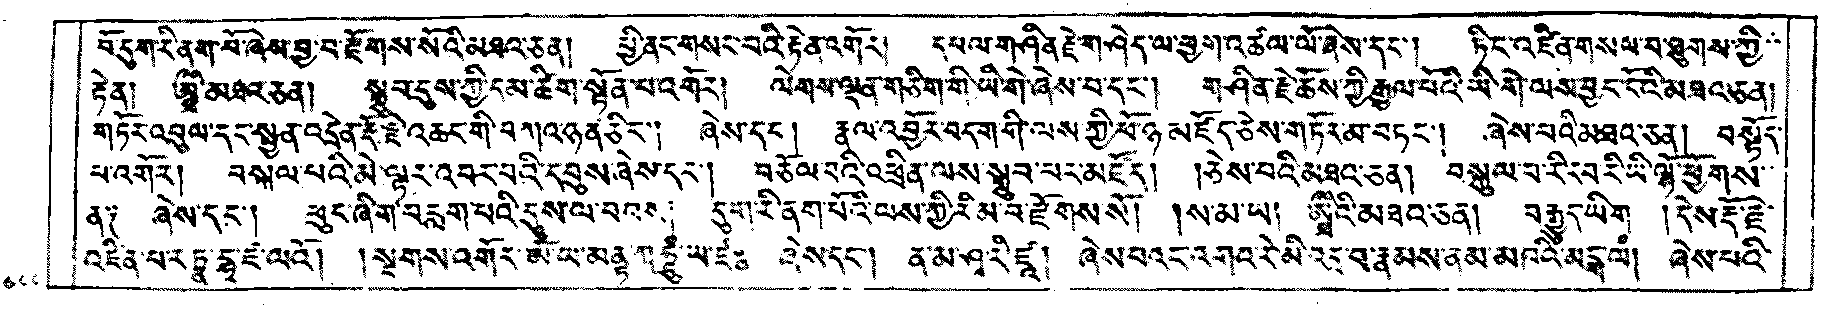པོ་དུག་རི་ནག་པོ་ཞེས་བྱ་བ་རྫོགས་སོའི་མཐའ་ཅན། ཕྱི་ནང་གསང་བའི་རྟེན་འགོར། དཔལ་གཤིན་རྗེ་གཤེད་ལ་ཕྱག་འཚལ་ལོ་ཞེས་དང་། ཏིང་འཛིན་གསལ་བ་ཐུགས་ཀྱི་
རྟེན། ཨྀཐི་མཐའ་ཅན། སྒྲུབ་དུས་ཀྱི་དམ་ཚིག་སྟོན་པ་འགོར། ལེགས་ལྡན་གཅིག་གི་ཡི་གེ་ཞེས་པ་དང་། གཤིན་རྗེ་ཆོས་ཀྱི་རྒྱལ་པོའི་ཡི་གེ་ལས་བྱང་ངོའི་མཐའ་ཅན།
གཏོར་འབུལ་དང་སྤྱན་འདྲེན་རྡོ་རྗེ་འཆང་གི་བཀའ་ཉན་ཅིང་། ཞེས་དང་། རྣལ་འབྱོར་བདག་གི་ལས་ཀྱི་ཕོ་ཉ་མཛོད་ཅེས་གཏོར་མ་བཏང་། ཞེས་པའི་མཐའ་ཅན། བསྟོད་
པ་འགོར། བསྐལ་པའི་མེ་ལྟར་འབར་བའི་དབུས་ཞེས་དང་། བཅོལ་བའི་འཕྲིན་ལས་སྒྲུབ་པར་མཛོད། །ཅེས་པའི་མཐའ་ཅན། བསྐུལ་བ་རི་རབ་རི་ཡི་ལྷོ་ཕྱོགས་
ན། ཞེས་དང་། ཕུང་ཞིག་བརླག་པའི་དུས་ལ་བབས། དུག་རི་ནག་པོའི་ལས་ཀྱི་རིམ་པ་རྫོགས་སོ། །ས་མ་ཡ། ཨྀཐིའི་མཐའ་ཅན། བརྒྱུད་ཡིག །དེས་རྡོ་རྗེ་
འཛིན་པ་རཏྣ་དྷྲ་ཛ་ལའོ། །སྔགས་འགོར་ཨོཾ་ཡ་མནྟ་ཀ་ཧཱུཾ་ཡ་ཛཿ ཞེས་དང་། ན་མ་ཤྭ་རི་ཛཱ། ཞེས་པའང་འགའ་རེ་མི་འདྲ་བ་རྣམས་ནམ་མཁའི་མངྒ་ལཾ། ཞེས་པའི་